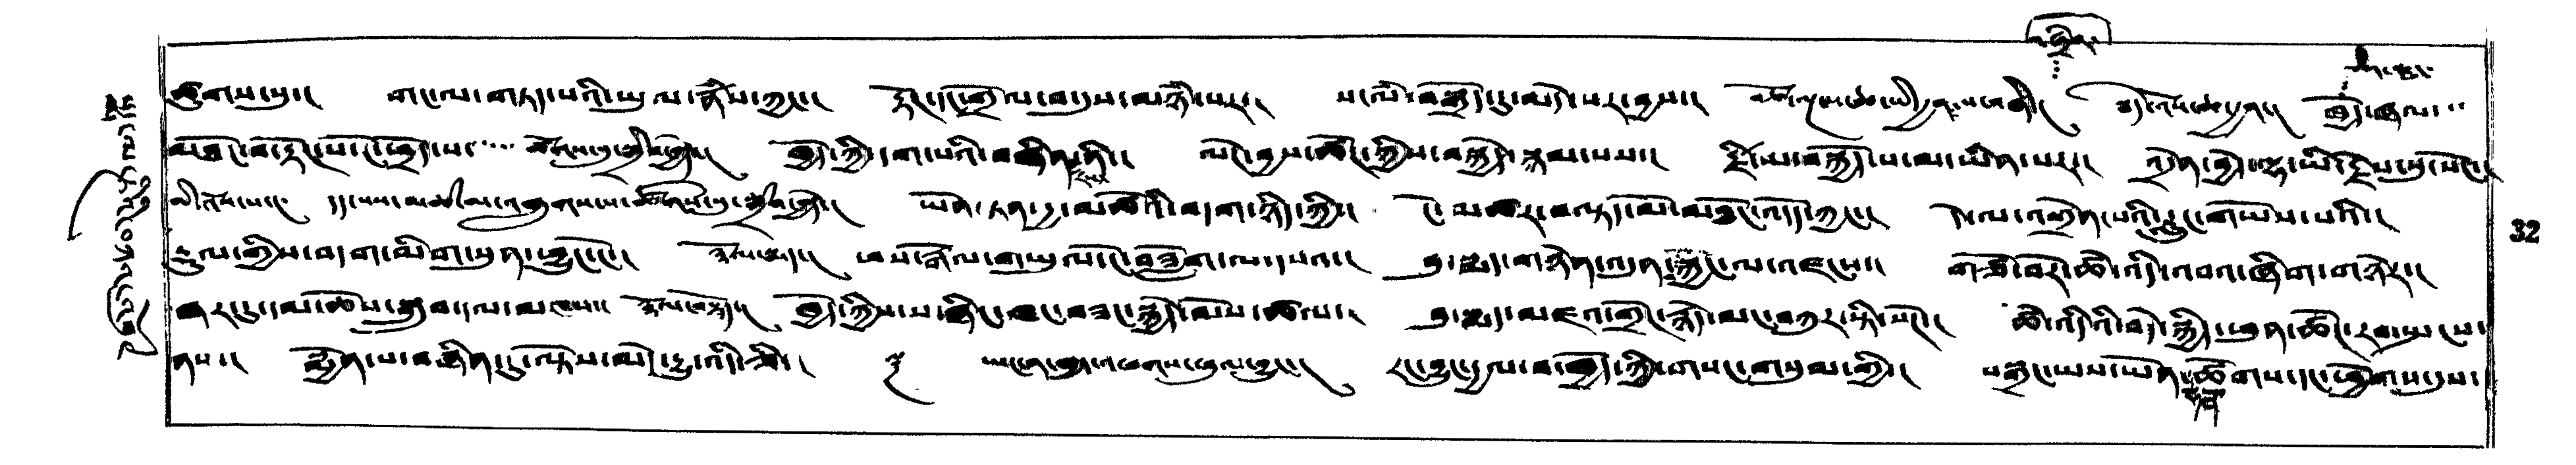ཚུགས་སུ། །གང་ལ་གཏད་པའི་ཡུལ་རྣམས་ཀྱང་། །རྟོགས་དང་གྲོལ་བ་དུས་མཉམ་པར། །ས་ལམ་བསྒྲོད་དུ་མེད་པར་བྱས། བཅོ་ལྔ་པ་ཆ་ཡི་རྒྱན་ལ་བཞི། སྦེད་འོས་ཆའི་རྒྱན། ཁྱོད་ཞལ་
མཐོང་བས་རྟོགས་པ་ངོ་འཕྲོད་པ། ། ཚོགས་སུ་སྒྲིབ་བྱེད། ཁྱོད་ཀྱི་དག་པའི་བཞིན་རས་ནི། །ལེགས་བྱས་ཚོགས་ཀྱིས་བསྐྱེད་སྙམ་པས། །རྫི་མ་བསྐྱོད་པ་མ་ཡིན་པར། །འདྲེན་བྱེད་ལྷ་ཡི་རྗེས་སུ་སོང་། ། 
མི་འོས་པ། དད་པས་མཆི་མ་འཁྲུགས་པ་ཚོགས་སུ་སྒྲིབ་བྱེད། ཡོན་ཏན་རྒྱ་མཚོའི་བདག་ཉིད་ཀྱི། །ངོ་མཚར་ལྟད་མོ་མཐོང་འདོད་ཀྱང་། །དེ་ལ་འགྲན་པའི་རླུང་གཡོས་པའི། །
རྡུལ་གྱིས་བདག་མིག་སུན་ཕྱུང་ངོ་། ། ཟོལ་སྨད། ཕས་རྒོལ་གཡུལ་ངོ་བཟློག་ལ་དཔའ། །བུ་སྨད་གཉེན་འདུན་སྐྱོང་ལ་མཛངས། །གཙོ་བོར་ཚེ་འདི་འབའ་ཞིག་གཉེར། །
ཞོར་དུ་དམ་ཆོས་སྒྲུབ་ལ་མཁས། ཟོལ་བསྟོད། ཁྱོད་ཀྱིས་ས་ཞིང་ཁང་བཟང་སྐྱེད་མོས་ཚལ། །བུ་སྨད་མཛའ་གྲོགས་རྙེད་མང་བཀུར་སྟི་སོགས། །ཚེ་འདིའི་བདེ་སྐྱིད་ཕུན་ཚོགས་རབ་སྤངས་
ནས། །སྨྱོན་པ་བཞིན་དུ་ལྟོས་མེད་རྒྱུ་འདི་ཅི། །༈ ཡང་ན་ཁྱད་འཕགས་ཡུལ་བྱུང་། རང་བྱུང་རྒྱལ་བ་ཁྱོད་ཀྱི་གསང་གསུམ་གྱི། །བསྒྲང་ཡས་ཡོན་ཏན་ཚོགས་དང་ཕྱོགས་དུས་